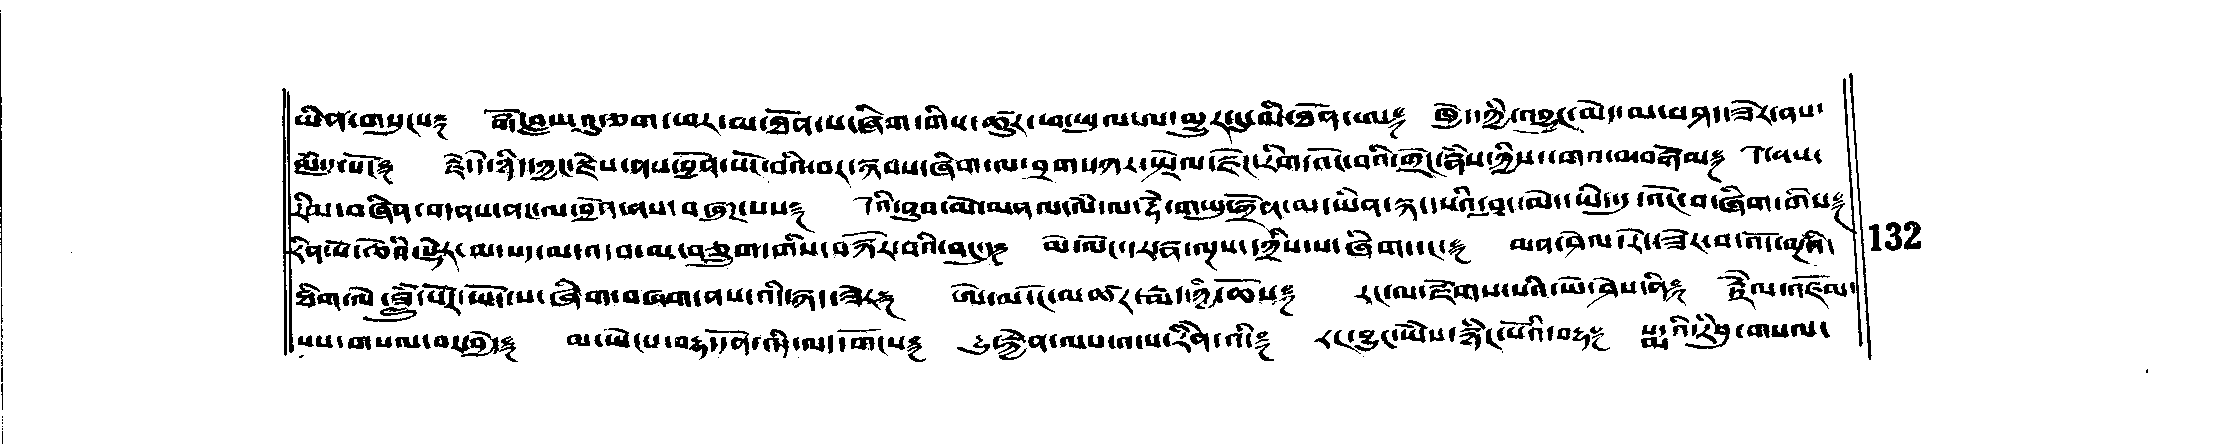ཡིན་གསུངས། སྒོ་བླས་འུ་ཅག་ཕར་མ་ཐོན་པ་ཞིག་གིས་ཚུར་ཕ་ཡུལ་ལ་མྱུར་དུ་མི་ཐོན་ཨ། ཁྱེད་ཀྱི་འབྱུང་མེད་མ་བཤད་ཟེར་ནས་
ལམ་དུ་སོང་།རྗེ་དེ་ཉིད་ཀྱང་རྗེས་ནས་བྱོན་སོང་བའི་བར་སྐབས་ཞིག་ལ་བྲག་དཀར་སྤྲེལ་རྗོང་རིག་འོང་བའི་གྲོགས་རྣམས་ཀྱིས་དགའ་བ་བསྒོམ། དེ་ནས་
རིམ་བཞིན་གནས་ནང་ལ་བྱོན་ནས་བཞུགས་པས། དེའི་ནུབ་མོ་མནལ་ལམ་ལ་རྡོ་རྗེ་གཡུ་སྒྲོན་མ་ཡིན་སྐད་པའི་བུད་མེད་ཡིད་དུ་འོང་བ་ཞིག་གིས། 
རིན་པོ་ཆེའི་སྡེར་མ་པདྨ་འདབ་མ་བཅུ་དྲུག་གིས་བསྐོར་བའི་ནང་དུ། མེ་ལོང་དར་སྣ་ལྔས་དཀྲིས་པ་ཞིག་དང་། མན་ཤེལ་རེད་ཟེར་བ་འོད་ལྔའི་
ཐིག་ལེ་ཟླུམ་པོར་ཡོད་པ་ཞིག་བཞག་ནས་འདི་སྐད་ཟེར། ཨེ་མ་ངོ་མཚར་རྨད་ཀྱི་ཆོས། །རང་ལ་རྫོགས་པའི་ཡེ་ཤེས་ནི། །རྟེན་འབྲེལ་འཛོམ་
པས་གསལ་བར་བྱེད། །མ་ཡེངས་བརྡ་དོན་འདི་ལ་དགོངས། །རྒྱུ་རྐྱེན་ལས་འདས་རིན་ཆེན་འདི། །རང་བྱུང་ཡེ་ཤེས་སྙིང་པོའི་བརྡ། །པདྨའི་རིལ་བུ་གསལ་